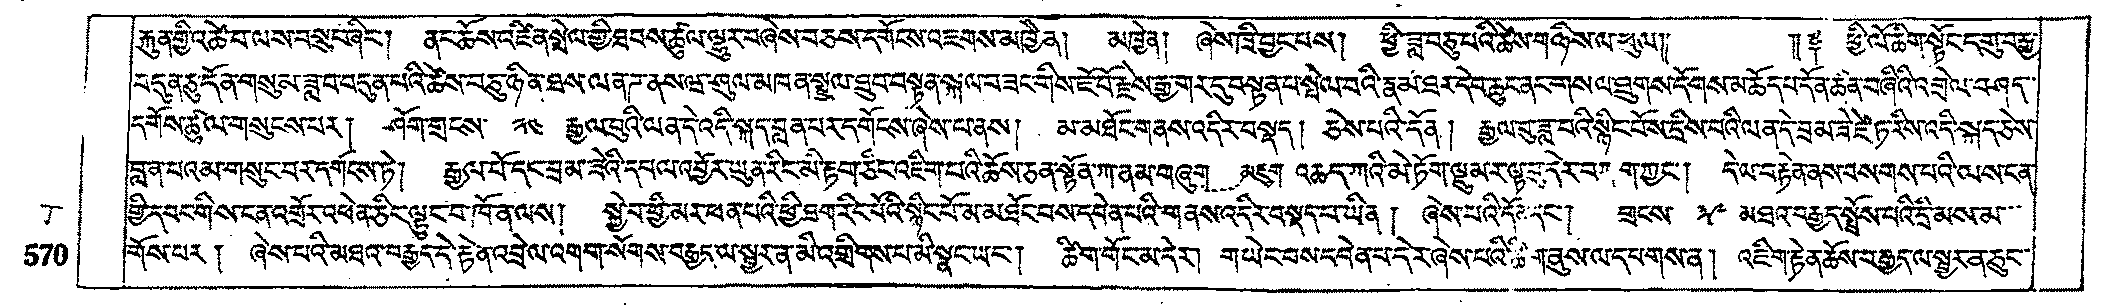རྐུན་གྱི་འཚེ་བ་ལས་བསྲུང་ཞིང་། ནང་ཆོས་འཛིན་སྤེལ་གྱི་ཐབས་ཚུལ་ལྷུར་བཞེས་བཅས་དགོངས་འཇགས་མཁྱཻན། མཁྱེན། ཞེས་ཁྲི་བྱང་པས། ཕྱི་ཟླ་བཅུ་པའི་ཚེས་གཉིས་ལ་ཕུལ།། །། འ་ཕྱི་ལོ་ཆིག་སྟོང་དགུ་བརྒྱ་
བདུན་ཅུ་དོན་གསུམ་ཟླ་བ་བདུན་པའི་ཚེས་བཅུ་ཉིན་ཐས་ལན་ཌ་ནས་ཝ་ཤུལ་མཁན་སྤྲུལ་ཐུབ་བསྟན་སྐལ་བཟང་གིས་ཇོ་བོ་རྗེས་རྒྱ་གར་དུ་བསྟན་པ་སྤེལ་བའི་རྣམ་ཐར་དེབ་ཆུང་ནང་གསལ་ཐུགས་དོགས་མ་ཆོད་པ་དོན་ཚན་བཞིའི་འགྲེལ་བཤད་་་
དགོས་ཚུལ་གསུངས་པར། ཤོག་གྲངས ༢༤་རྒྱལ་བུའི་ལན་དེ་འདི་སྐད་བླན་པར་དགོངས་ཞེས་པ་ནས། མ་མཐོང་གནས་འདིར་བསྡད། ཅེས་པའི་དོན། རྒྱལ་བུ་ཟླ་བའི་སྙིང་པོས་དྲིས་པའི་ལན་དེ་བྲམ་ཟེ་ཛེ་ཏ་རིས་འདི་སྐད་ཅེས་
བླན་པའམ་གསུང་བར་དགོངས་ཏེ། རྒྱལ་པོ་དང་བྲམ་ཟེའི་དཔལ་འབྱོར་ཡུན་རིང་མི་རྟག་ཅིང་འཇིག་པའི་ཆོས་ཅན་སྟོན་ཀ་ནམ་གཞུག་མཇུག་འཆད་ཀའི་མེ་ཏོག་ལྡུམ་ར་ལྟ་བུ་དེར་བཀག་ཀྱང་། དེ་ལ་བརྟེན་ནས་བསགས་པའི་ལས་ངན་
གྱི་དབང་གིས་ངན་འགྲོར་འཕེན་ཅིང་ལྟུང་བ་ཁོ་ན་ལས། སྐྱེ་བ་ཕྱི་མར་ཕན་པའི་ཕྱི་ཐག་རིང་པོའི་སྙིང་པོ་མ་མཐོང་བས་དབེན་པའི་གནས་འདིར་བསྡད་པ་ཡིན། ཞེས་པའི་དོན་དང་། གྲངས ༣༩་མཐའ་བརྒྱད་སྤྲོས་པའི་དྲི་མས་མ་་་
གོས་པར། ཞེས་པའི་མཐའ་བརྒྱད་དེ་རྟེན་འབྲེལ་འགག་སོགས་བརྒྱད་ལ་སྦྱར་ན་མི་འགྲིགས་པ་མི་སྣང་ཡང་། ཚིག་གོང་མ་དེར། གཡེང་བས་དབེན་པ་དེར་ཞེས་པའི་ཚིག་ནུས་ལ་དཔགས་ན། འཇིག་རྟེན་ཆོས་བརྒྱད་ལ་སྦྱར་ན་ཅུང་་་